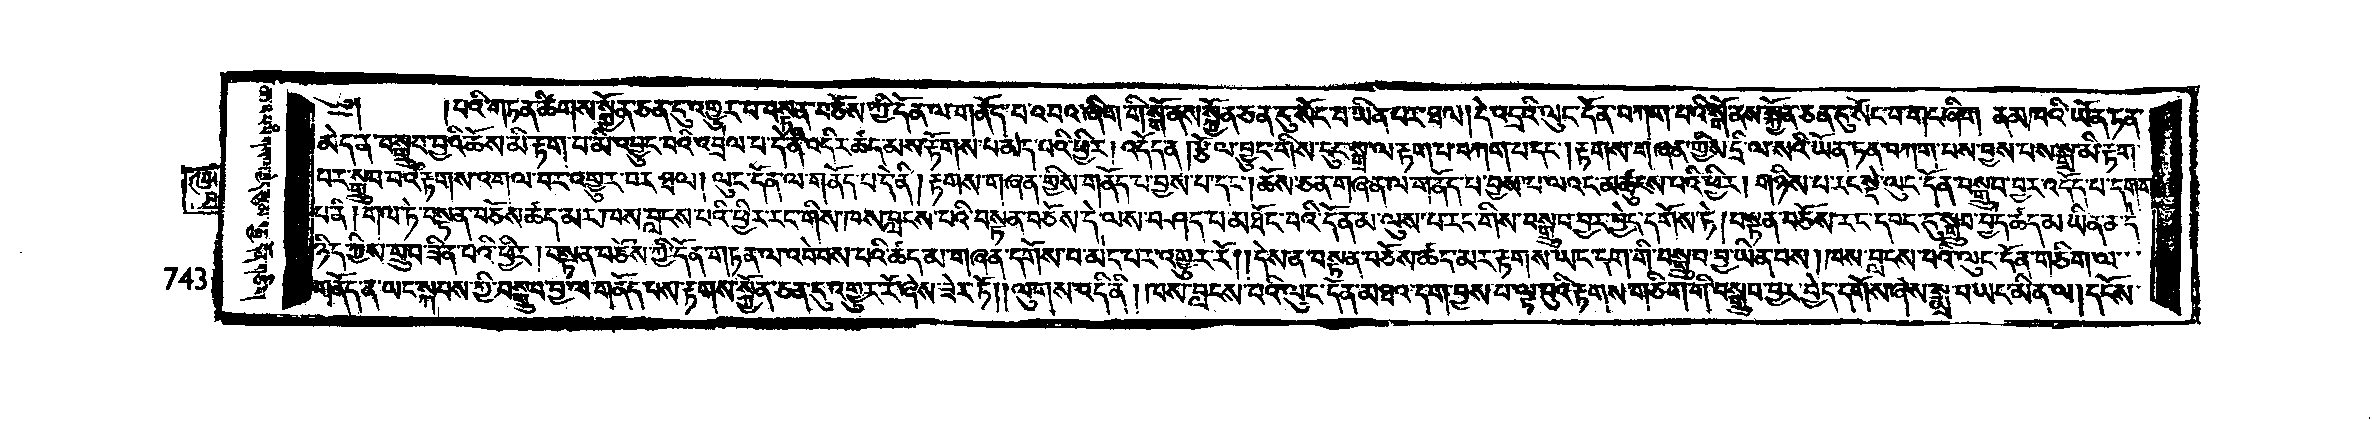༄༅། །པའི་གཏན་ཚིགས་སྐྱོན་ཅན་དུ་འགྱུར་བ་བསྟན་བཅོས་ཀྱི་དོན་ལ་གནོད་པ་འབའ་ཞིག་གི་སྒོ་ནས་སྐྱོན་ཅན་དུ་སོང་བ་ཡིན་པར་ཐལ། དེ་འདྲའི་ལུང་དོན་བཀག་པའི་སྒོ་ནས་སྐྱོན་ཅན་དུ་སོང་བ་གང་ཞིག་ནམ་མཁའི་ཡོན་ཏན་
མེད་ན་བསྒྲུབ་བྱའི་ཆོས་མི་རྟག་པ་མི་འབྱུང་བའི་འབྲེལ་པ་དེ་ནི་འདིར་ཚད་མས་རྟོགས་པ་མེད་པའི་ཕྱིར། འདོད་ན། རྩོལ་བྱུང་གིས་དུང་སྒྲ་ལ་རྟག་པ་བཀག་པ་དང་། རྟགས་གཞན་གྱིས་དྲི་ལ་སའི་ཡོན་ཏན་བཀག་པས་བྱས་པས་སྒྲ་མི་རྟག་
པར་སྒྲུབ་པའི་རྟགས་འགལ་བར་འགྱུར་བར་ཐལ། ལུང་དོན་ལ་གནོད་པ་དེ་ནི། རྟགས་གཞན་གྱིས་གནོད་པ་བྱས་པ་དང་། ཆོས་ཅན་གཞན་ལ་གནོད་པ་བྱས་པ་ལའང་མཚུངས་པའི་ཕྱིར། གཉིས་པ་རང་སྡེ་ལུང་དོན་བསྒྲུབ་བྱར་འདོད་པ་དགག་
པ་ནི། གལ་ཏེ་བསྟན་བཅོས་ཚད་མར་ཁས་བླངས་པའི་ཕྱིར་རང་གིས་ཁས་བླངས་པའི་བསྟན་བཅོས་དེ་ལས་བཤད་པ་མཐོང་བའི་དོན་མ་ལུས་པ་རང་གིས་བསྒྲུབ་བྱར་བྱེད་དགོས་ཏེ། བསྟན་བཅོས་རང་དབང་དུ་སྒྲུབ་བྱེད་ཚད་མ་ཡིན་ན་དེ་
ཉིད་ཀྱིས་གྲུབ་ཟིན་པའི་ཕྱིར། བསྟན་བཅོས་ཀྱི་དོན་གཏན་ལ་འབེབས་པའི་ཚད་མ་གཞན་དགོས་པ་མེད་པར་འགྱུར་རོ། །དེས་ན་བསྟན་བཅོས་ཚད་མར་རྟགས་ཡང་དག་གི་བསྒྲུབ་བྱ་ཡིན་པས། ཁས་བླངས་པའི་ལུང་དོན་གཅིག་ལ་
གནོད་ན་ཡང་སྐབས་ཀྱི་བསྒྲུབ་བྱ་ལ་གནོད་པས་རྟགས་སྐྱོན་ཅན་དུ་འགྱུར་རོ་ཞེས་ཟེར་ཏོ། །ལུགས་འདི་ནི། ཁས་བླངས་པའི་ལུང་དོན་མཐའ་དག་བྱས་པ་ལྟ་བུའི་རྟགས་གཅིག་གི་བསྒྲུབ་བྱར་བྱེད་དགོས་ཞེས་སྨྲ་བ་ཡང་མིན་ལ། དངོས་